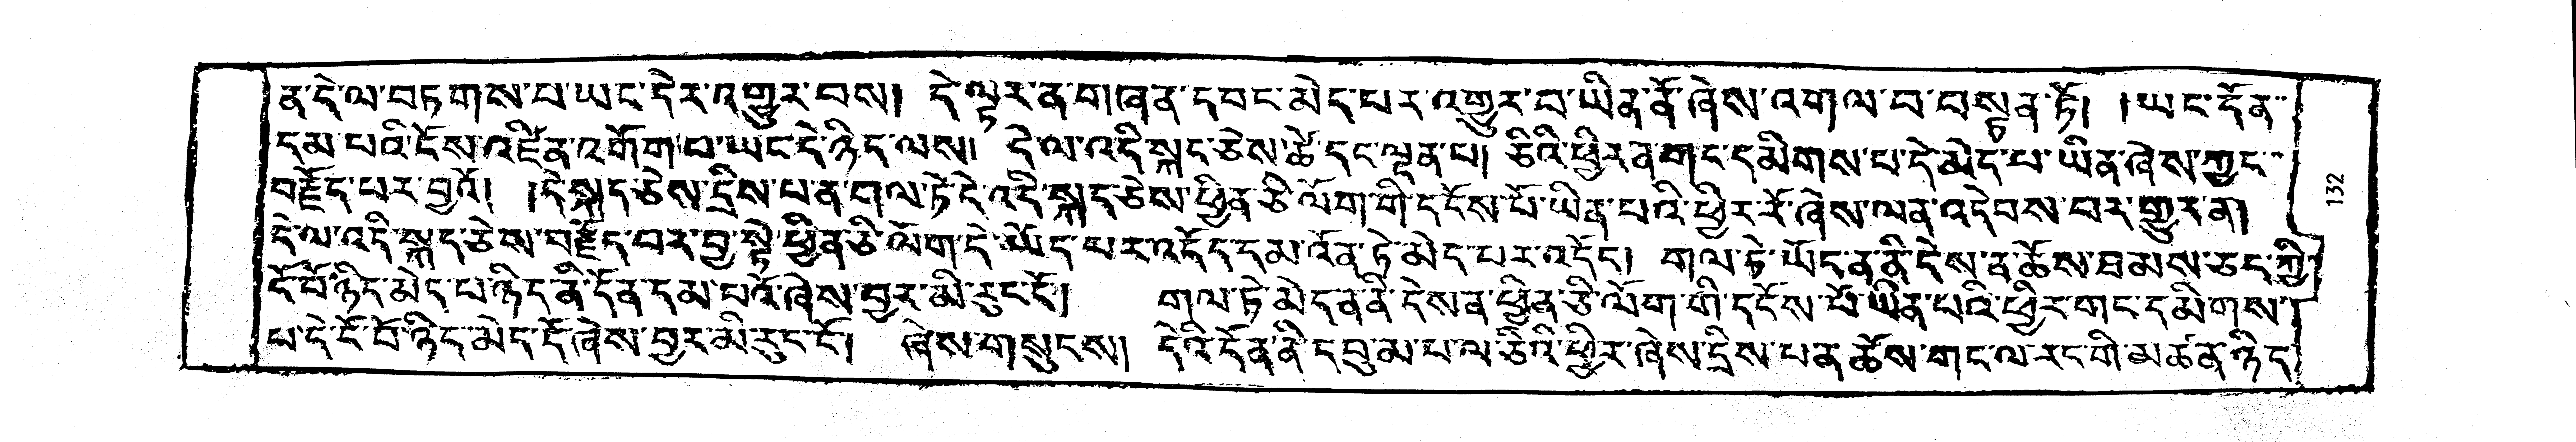ན་དེ་ལ་བཏགས་པ་ཡང་དེར་འགྱུར་བས། དེ་ལྟར་ན་གཞན་དབང་མེད་པར་འགྱུར་བ་ཡིན་ནོ་ཞེས་འགལ་བ་བསྟན་ཏོ། །ཡང་དོན་
དམ་པའི་ངོས་འཛིན་འགོག་པ་ཡང་དེ་ཉིད་ལས། དེ་ལ་འདི་སྐད་ཅེས་ཚེ་དང་ལྡན་པ། ཅིའི་ཕྱིར་ན་གང་དམིགས་པ་དེ་མེད་པ་ཡིན་ཞེས་ཀྱང་
བརྗོད་པར་བྱའོ། །དེ་སྐད་ཅེས་དྲིས་པ་ན་གལ་ཏེ་དེ་འདི་སྐད་ཅེས་ཕྱིན་ཅི་ལོག་གི་དངོས་པོ་ཡིན་པའི་ཕྱིར་རོ་ཞེས་ལན་འདེབས་པར་གྱུར་ན།
དེ་ལ་འདི་སྐད་ཅེས་བརྗོད་པར་བྱ་སྟེ་ཕྱིན་ཅི་ལོག་དེ་ཡོད་པར་འདོད་དམ་འོན་ཏེ་མེད་པར་འདོད། གལ་ཏེ་ཡོད་ན་ནི་དེས་ན་ཆོས་ཐམས་ཅད་ཀྱི་
ངོ་བོ་ཉིད་མེད་པ་ཉིད་ནི་དོན་དམ་པའོ་ཞེས་བྱར་མི་རུང་ངོ། གལ་ཏེ་མེད་ན་ནི་དེས་ན་ཕྱིན་ཅི་ལོག་གི་དངོས་པོ་ཡིན་པའི་ཕྱིར་གང་དམིགས་
པ་དེ་ངོ་བོ་ཉིད་མེད་དོ་ཞེས་བྱར་མི་རུང་ངོ། ཞེས་གསུངས། དེའི་དོན་ནི་དབུ་མ་པ་ལ་ཅིའི་ཕྱིར་ཞེས་དྲིས་པ་ན་ཆོས་གང་ལ་རང་གི་མཚན་ཉིད་